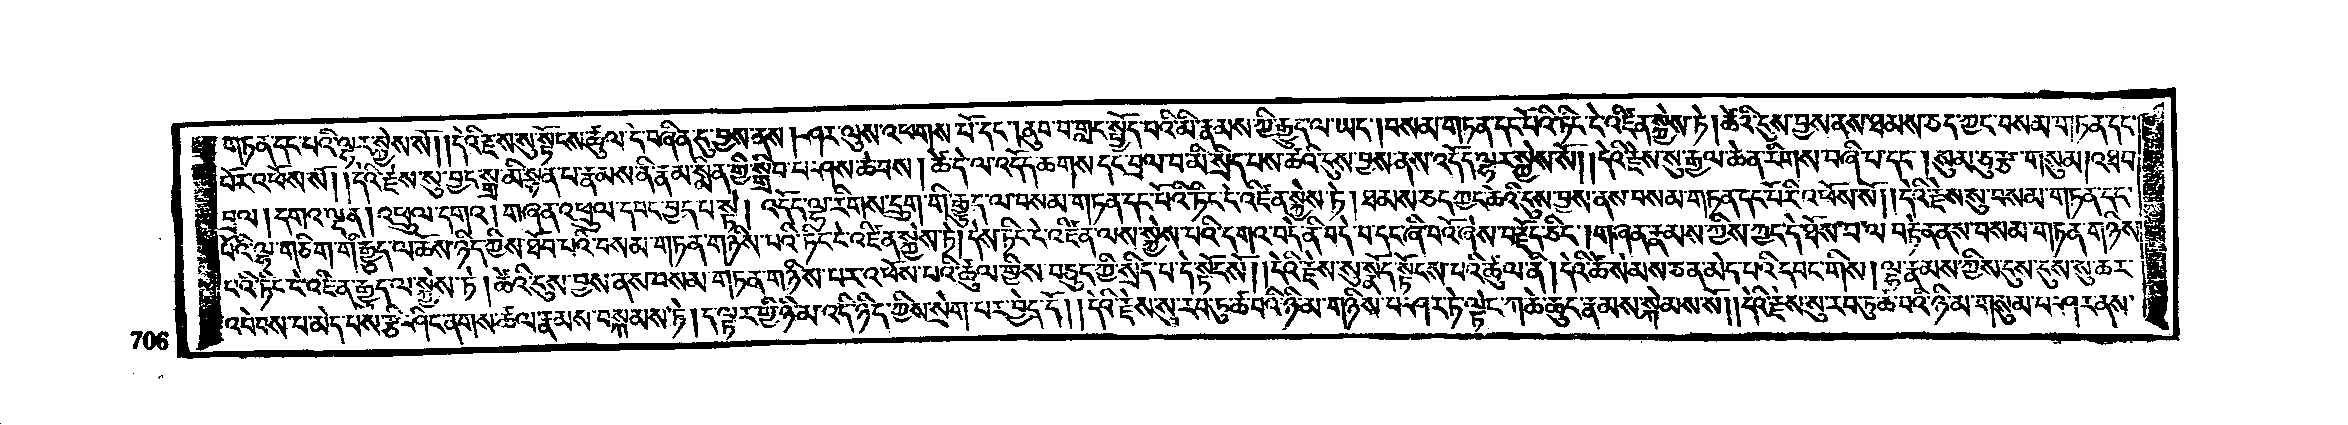གཏན་དང་པོའི་ལྷར་སྐྱེས་སོ། །དེའི་རྗེས་སུ་སྟོངས་ཚུལ་དེ་བཞིན་དུ་བྱས་ནས། ཤར་ལུས་འཕགས་པོ་དང་། ནུབ་པ་གླང་སྤྱོད་པའི་མི་རྣམས་ཀྱི་རྒྱུད་ལ་ཡང་། བསམ་གཏན་དང་པོའི་ཏིང་ངེ་འཛིན་སྐྱེས་ཏེ། ཚེའི་དུས་བྱས་ནས་ཐམས་ཅད་ཀྱང་བསམ་གཏན་དང་
པོར་འཕོས་སོ། །དེའི་རྗེས་སུ་བྱང་སྒྲ་མི་སྙན་པ་རྣམས་ནི་རྣམ་སྨིན་གྱི་སྒྲིབ་པ་ཤས་ཆེ་བས། ཚེ་དེ་ལ་འདོད་ཆགས་དང་བྲལ་བ་མི་སྲིད་པས་ཚའི་དུས་བྱས་ནས་འདོད་ལྷར་སྐྱེས་སོ། །དེའི་རྗེས་སུ་རྒྱལ་ཆེན་རིགས་བཞི་པ་དང་། སུམ་ཅུ་རྩ་གསུམ། འཐབ་
བྲལ། དགའ་ལྡན། འཕྲུལ་དགའ། གཞན་འཕྲུལ་དབང་བྱད་པ་སྟེ། འདོད་ལྷ་རིགས་དྲུག་གི་རྒྱུད་ལ་བསམ་གཏན་དང་པོའི་ཏིང་ངེ་འཛིན་སྐྱེས་ཏེ། ཐམས་ཅད་ཀྱང་ཆེའི་དུས་བྱས་ནས་བསམ་གཏན་དང་པོ་རི་འཕོས་སོ། །དེའི་རྗེས་སུ་བསམ་གཏན་དང་
པོའི་ལྷ་གཅིག་གི་རྒྱུད་ལ་ཆོས་ཉིད་ཀྱིས་ཐོབ་པའི་བསམ་གཏན་གཉིས་པའི་ཏིང་ངེ་འཛིན་སྐྱེས་ཏེ། དེས་ཏིང་ངེ་འཛིན་ལས་སྐྱེས་པའི་དགའ་བ་དེ་ནི་བདེ་བ་དང་ཞི་བའོ་ཞེས་བརྗོད་ཅིང་། གཞན་རྣམས་ཀྱིས་ཀྱང་དེ་ཐོས་པ་ལ་བརྟེན་ནས་བསམ་གཏན་གཉིས་
པའི་ཏིང་ངེ་འཛིན་རྒྱུད་ལ་སྐྱེས་ཏེ། ཚེའི་དུས་བྱས་ནས་བསམ་གཏན་གཉིས་པར་འཕོས་པའི་ཚུལ་གྱིས་བཅུད་ཀྱི་སྲིད་པ་དེ་སྟོངས་སོ། །དེའི་རྗེས་སུ་སྣོད་སྟོངས་པའི་ཚུལ་ནི། དེའི་ཚེ་སེམས་ཅན་མེད་པའི་དབང་གིས། ལྷ་རྣམས་ཀྱིས་དུས་དུས་སུ་ཆར་
འབེབས་པ་མེད་པས་རྩི་ཤིང་ནགས་ཚལ་རྣམས་བསྐམས་ཏེ། དེ་ལྟར་གྱི་ཉི་མ་འདི་ཉིད་ཀྱིས་སྲེག་པར་བྱེད་དོ། །དེའི་རྗེས་སུ་རབ་ཏུ་ཚ་བའི་ཉི་མ་གཉིས་པ་ཤར་ཏེ་ལྟེང་ཀ་ཆེ་ཆུང་རྣམས་སྐེམས་སོ། །དེའི་རྗེས་སུ་རབ་ཏུ་ཚ་བའི་ཉི་མ་གསུམ་པ་ཤར་ནས་